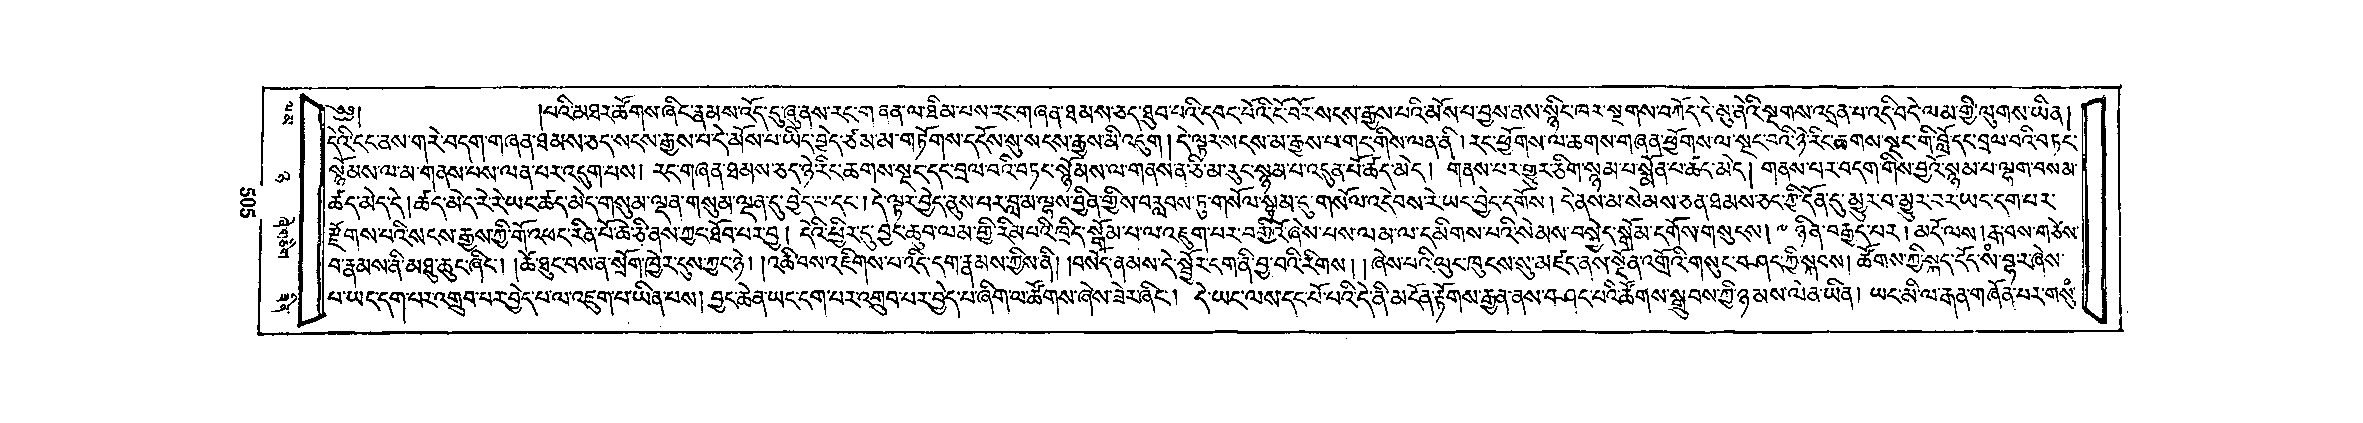༄༅། །པའི་མཐར་ཚོགས་ཞིང་རྣམས་འོད་དུ་ཞུ་ནས་རང་གཞན་ལ་ཐིམ་པས་རང་གཞན་ཐམས་ཅད་ཐུབ་པའི་དབང་པོའི་ངོ་བོར་སངས་རྒྱས་པའི་མོས་པ་བྱས་ནས་སྙིང་ཁར་སྔགས་བཀོད་དེ་མུ་ནེའི་སྔགས་འདྲེན་པ་འདི་བདེ་ལམ་གྱི་ལུགས་ཡིན།
དེའི་ངང་ནས་ག་རེ་བདག་གཞན་ཐམས་ཅད་སངས་རྒྱས་པ་དེ་མོས་པ་ཡིད་བྱེད་ཙམ་མ་གཏོགས་དངོས་སུ་སངས་རྒྱས་མི་འདུག །དེ་ལྟར་སངས་མ་རྒྱས་པ་གང་གིས་ལན་ནི། རང་ཕྱོགས་ལ་ཆགས་གཞན་ཕྱོགས་ལ་སྡང་བའི་ཉེ་རིང་ཆགས་སྡང་གི་བློ་དང་བྲལ་བའི་བཏང་
སྙོམས་ལ་མ་གནས་པས་ལན་པར་འདུག་པས། རང་གཞན་ཐམས་ཅད་ཉེ་རིང་ཆགས་སྡང་དང་བྲལ་བའི་བཏང་སྙོམས་ལ་གནས་ན་ཅི་མ་རུང་སྙམ་པ་འདུན་པོ་ཚད་མེད། གནས་པར་གྱུར་ཅིག་སྙམ་པ་སྨོན་པ་ཚད་མེད། གནས་པར་བདག་གིས་བྱའོ་སྙམ་པ་ལྷག་བསམ་
ཚད་མེད་དེ། ཚད་མེད་རེ་རེ་ཡང་ཚད་མེད་གསུམ་ལྡན་གསུམ་ལྡན་དུ་བྱེད་པ་དང་། དེ་ལྟར་བྱེད་ནུས་པར་བླ་མ་ལྷས་བྱིན་གྱིས་བརླབས་ཏུ་གསོལ་སྙམ་དུ་གསོལ་འདེབས་རེ་ཡང་བྱེད་དགོས། དེ་ནས་མ་སེམས་ཅན་ཐམས་ཅད་ཀྱི་དོན་དུ་མྱུར་བ་མྱུར་བར་ཡང་དག་པར་
རྫོགས་པའི་སངས་རྒྱས་ཀྱི་གོ་འཕང་རིན་པོ་ཆེ་ཅི་ནས་ཀྱང་ཐོབ་པར་བྱ། དེའི་ཕྱིར་དུ་བྱང་ཆུབ་ལམ་གྱི་རིམ་པའི་ཁྲིད་སྒོམ་པ་ལ་འཇུག་པར་བགྱིའོ་ཞེས་པས་ལམ་ལ་དམིགས་པའི་སེམས་བསྐྱེད་སྒོམ་དགོས་གསུངས། ཉིན་བརྒྱད་པར། མདོ་ལས། རྒ་བས་གཙེས་
བ་རྣམས་ནི་མཐུ་ཆུང་ཞིང་། །ཚེ་ཐུང་བས་ན་སྲོག་ཁྱེར་དུས་ཀྱང་ཉེ། །འཆི་བས་འཇིགས་པ་འདི་དག་རྣམས་ཀྱིས་ནི། །བསོད་ནམས་དེ་སྦྱོར་དག་ནི་བྱ་བའི་རིགས། །ཞེས་པའི་ལུང་ཁུངས་སུ་མཛད་ནས་སྔོན་འགྲོའི་གསུང་བཤད་ཀྱི་སྐབས། ཚོགས་ཀྱི་སྐད་དོད་སཾ་བྷ་ར་ཞེས་
པ་ཡང་དག་པར་འགྲུབ་པར་བྱེད་པ་ལ་འཇུག་པ་ཡིན་པས། བྱང་ཆེན་ཡང་དག་པར་འགྲུབ་པར་བྱེད་པ་ཞིག་ལ་ཚོགས་ཞེས་ཟེར་ཞིང་། དེ་ཡང་ལས་དང་པོ་པའི་དེ་ནི་མངོན་རྟོགས་རྒྱན་ནས་བཤད་པའི་ཚོགས་སྒྲུབས་ཀྱི་ཉམས་ལེན་ཡིན། ཡང་མི་ལ་རྒན་གཞོན་པར་གསུཾ་